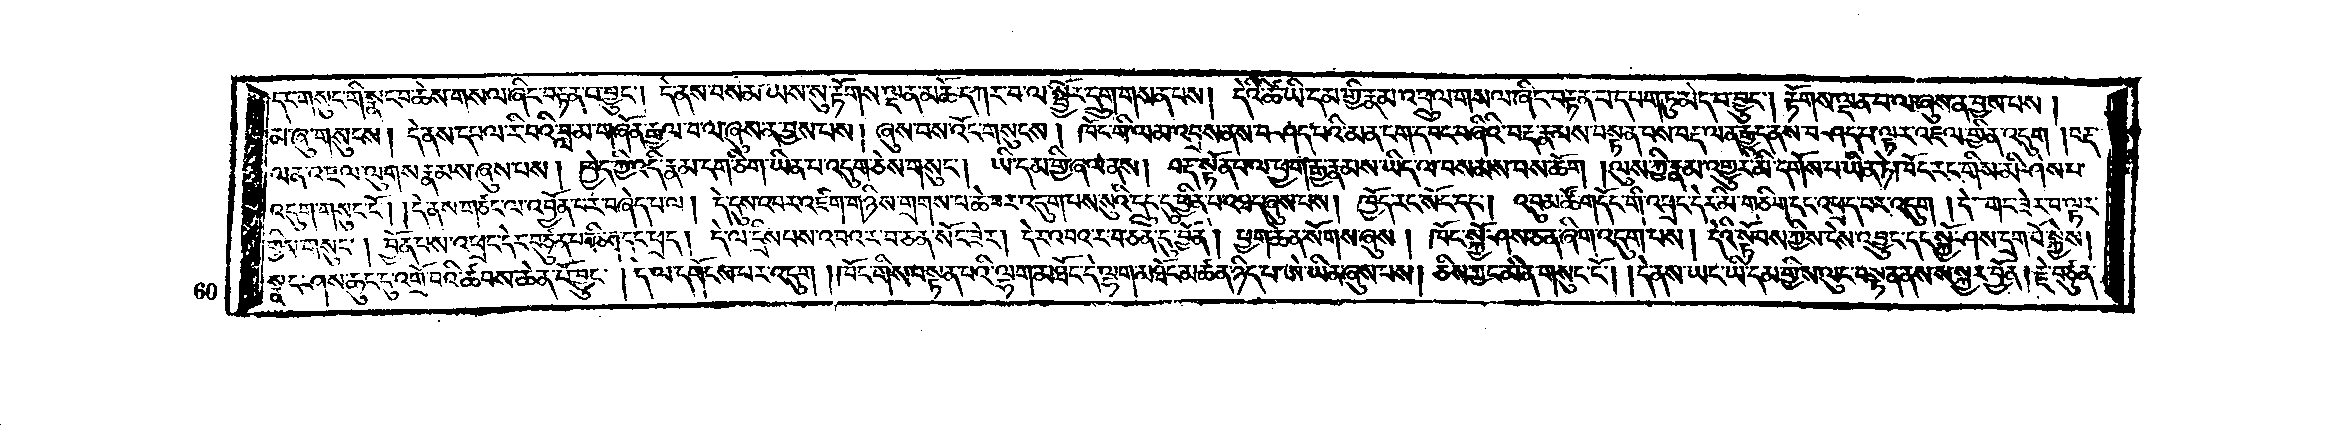དང་གསུང་གི་སྣང་བ་ཆེས་གསལ་ཞིང་བརྟན་པ་བྱུང་། དེ་ནས་བསམ་ཡས་སུ་རྟོགས་ལྡན་མཆོ་དཀར་བ་ལ་སྦྱོར་དྲུག་གསན་པས། དེའི་ཚེ་ཡི་དམ་གྱི་རྣམ་འཕྲུལ་གསལ་ཞིང་བརྟན་པ་དཔག་ཏུ་མེད་པ་བྱུང་། རྟོགས་ལྡན་པ་ལ་ཞུས་ན་བྱས་པས།
མ་ཞུ་གསུངས། དེ་ནས་དཔལ་རི་བའི་བླ་མ་གཞོན་རྒྱལ་བ་ལ་ཞུས་ན་བྱས་པས། ཞུས་བས་འོང་གསུངས། ཁོང་གི་ལམ་འབྲས་ནས་བཤད་པའི་མན་ངག་དབང་བཞིའི་བརྡ་རྣམས་བསྟན་པས་བརྡ་ལན་རྒྱུད་ནས་བཤད་པ་ལྟར་འཇལ་གྱིན་འདུག །བརྡ་
ལན་འཇལ་ལུགས་རྣམས་ཞུས་པས། ཁྱེད་ཀྱི་འདི་རྣམ་དག་ཅིག་ཡིན་པ་འདུག་ཅེས་གསུང་། ཡི་དམ་གྱི་ཞལ་ནས། བརྡ་སྟོན་པ་ལ་ཕྱག་རྒྱ་རྣམས་ཡིད་ལ་བསམས་པས་ཆོག །ལུས་ཀྱི་རྣམ་འགྱུར་མི་དགོས་པ་ཡིན་ཏེ་ཁོང་རང་གིས་མི་ཤེས་པ་
འདུག་གསུང་ངོ། །དེ་ནས་གཙང་ལ་འབྱོན་པར་བཞེད་པ་ལ། དེ་དུས་འབར་འཇིག་གཉིས་གྲགས་པ་ཆེ་བར་འདུག་པས་སུའི་དྲུང་དུ་ཕྱིན་པ་འཐད་ཞུས་པས། ཁྱོད་རང་སོང་དང་། འབུམ་ཚོ་གདོང་གི་འཕྲང་དེར་མི་གཅིག་དང་འཕྲད་པར་འདུག །དེ་གང་ཟེར་བ་ལྟར་
གྱིས་གསུང་། བྱོན་པས་འཕྲང་དེར་བཙུན་པ་གཅིག་དང་ཕྲད། དེ་ལ་དྲིས་པས་འབའ་ར་བ་ཅན་སོང་ཟེར། དེར་འབའ་ར་བ་ཅན་དུ་བྱོན། ཕྱག་ཆེན་སོགས་ཞུས། ཁོང་སྐྱོ་ཤས་ཅན་ཞིག་འདུག་པས། དེའི་སྟོབས་ཀྱིས་ངེས་འབྱུང་དང་སྐྱོ་ཤས་དྲག་པོ་སྐྱེས།
སྣང་ཤས་ཆུང་ངུ་འགྲོ་བའི་ཚབས་ཆེན་པོ་བྱུང་། དེ་ལ་དགོངས་པར་འདུག །ཁོང་གིས་བསྟན་པའི་ལྷག་མཐོང་དེ་ལྷག་མཐོང་མཚན་ཉིད་པ་ཨེ་ཡིན་ཞུས་པས། ཅིས་ཀྱང་མིན་གསུང་ངོ། །དེ་ནས་ཡང་ཡི་དམ་གྱིས་ལུང་བསྟན་ནས་ས་སྐྱར་བྱོན། རྗེ་བཙུན་